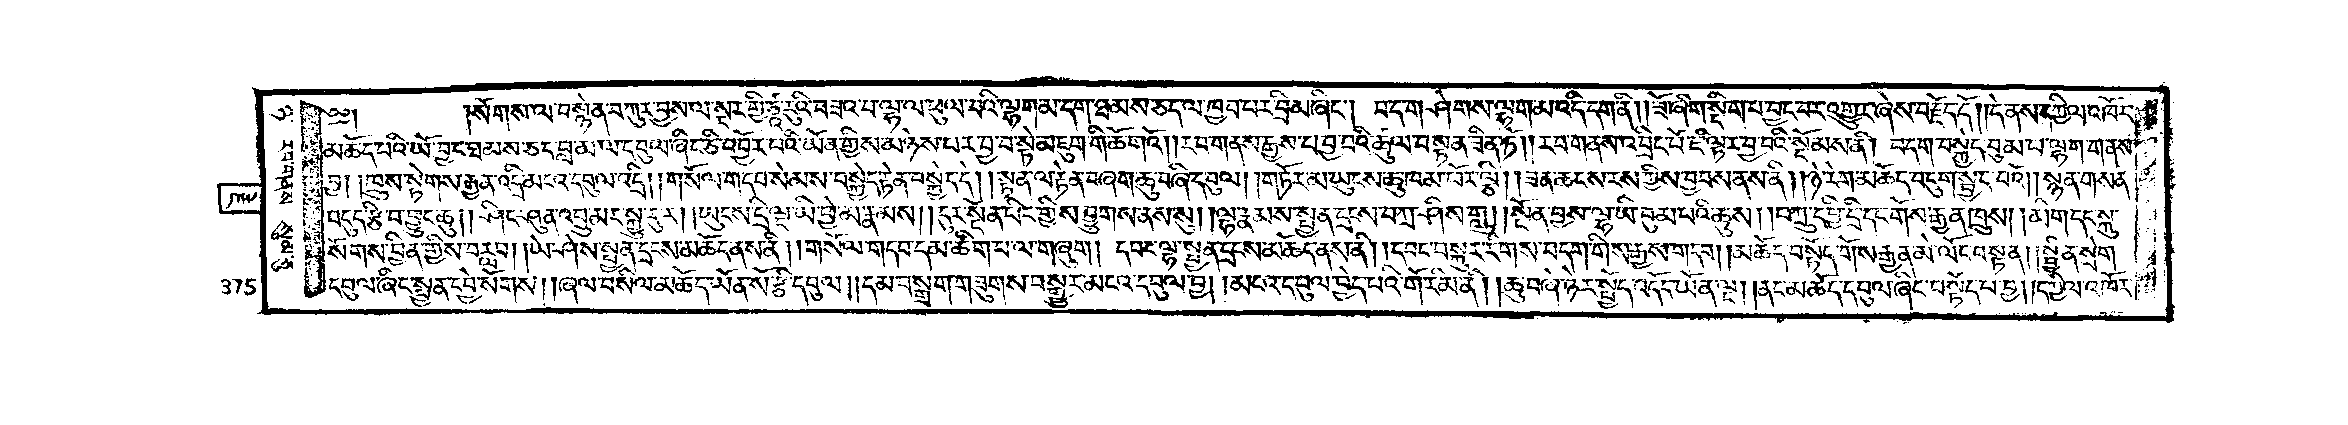༄༅། །སོགས་ལ་བསྙེན་བཀུར་བྱས་ལ་སྔར་གྱི་ཙཱ་རུའི་བཟའ་བ་ལྷ་ལ་ཕུལ་བའི་ལྷག་མ་དག་ཐམས་ཅད་ལ་ཁྱབ་པར་བྲིམ་ཞིང་། བདེ་གཤེགས་ལྷག་མ་འདི་དག་ནི། །ཟོ་ཞིག་སྡིག་པ་བྱང་བར་འགྱུར་ཞེས་བརྗོད་དོ། །དེ་ནས་དཀྱིལ་འཁོར་
མཆོད་པའི་ཡོ་བྱང་ཐམས་ཅད་བླ་མ་ལ་དབུལ་ཞིང་ཅི་འབྱོར་པའི་ཡོན་གྱིས་མཉེས་པར་བྱ་བ་སྟེ་མཇུག་གི་ཆོ་གའོ། །རབ་གནས་རྒྱས་པ་བྱ་བའི་ཚུལ་བསྟན་ཟིན་ཏོ། །རབ་གནས་འབྲིང་པོ་ཇི་ལྟར་བྱ་བའི་སྡོམས་ནི། བདག་བསྐྱེད་བུམ་པ་ལྷག་གནས་
བྱ། །ཁྲུས་སྟེགས་རྒྱན་འདྲི་མངའ་དབུལ་འདྲི། །གསོལ་གདབ་སེམས་བསྐྱེད་རྟེན་བསྐྱེད་དེ། །སྟན་ལ་རྟེན་བཞག་ཆུ་བཞི་དབུལ། །གཏོར་མ་ཡུངས་ཆུ་ཁམ་ཕོར་ལྕི། །ཟན་ཆངས་རས་ཀྱིས་བྱབས་ནས་ནི། །ཉེ་རེག་མཆོད་བདུག་སྦྱང་བའོ། །སྙན་གསན་
བདུད་རྩི་བ་བྱུང་ཆུ། །ཤིང་ཤུན་འབྲུ་མར་སྐྱུ་རུ་ར། །ཡུངས་དྲི་ལྔ་ཡི་ཕྱེ་མ་རྣམས། །དུར་སྔོན་པིང་གྱིས་བྱུགས་ནས་སུ། །ལྷ་རྣམས་སྤྱན་དྲངས་བཀྲ་ཤིས་གླུ། །སྔོན་བྱས་ལྷ་ཡི་བུམ་པའི་ཆུས། །བཀྲུ་དབྱི་དྲི་དང་གོས་རྒྱན་ཁྲུས། །མིག་དང་སྐུ་
སོགས་བྱིན་གྱིས་བརླབ། །ཡེ་ཤེས་སྤྱན་དྲངས་མཆོད་ནས་ནི། །གསོལ་གདབ་དམ་ཚིག་པ་ལ་གཞུག །དབང་ལྷ་སྤྱན་དྲངས་མཆོད་ནས་ནི། །དབང་བསྐུར་རིགས་བདག་གིས་རྒྱས་གདབ། །མཆོད་བསྟོད་གོས་རྒྱན་མེ་ལོང་བསྟན། །སྦྱིན་སྲེག་
དབུལ་ཞིང་སྤྱན་དབྱེ་སོགས། །ཞལ་བསིལ་མཆོད་ཡོན་སོ་རྩི་དབུལ། །དམ་བསྒྲག་གཟུགས་བསྒྱུར་མངའ་དབུལ་བྱ། །མངའ་དབུལ་བྱེད་པའི་གོ་རིམ་ནི། །ཆུ་བཞེ་ཉེར་སྤྱོད་འདོད་ཡོན་ལྔ། །ནང་མཆོད་དབུལ་ཞིང་བསྟོད་པ་བྱ། །དཀྱིལ་འཁོར་